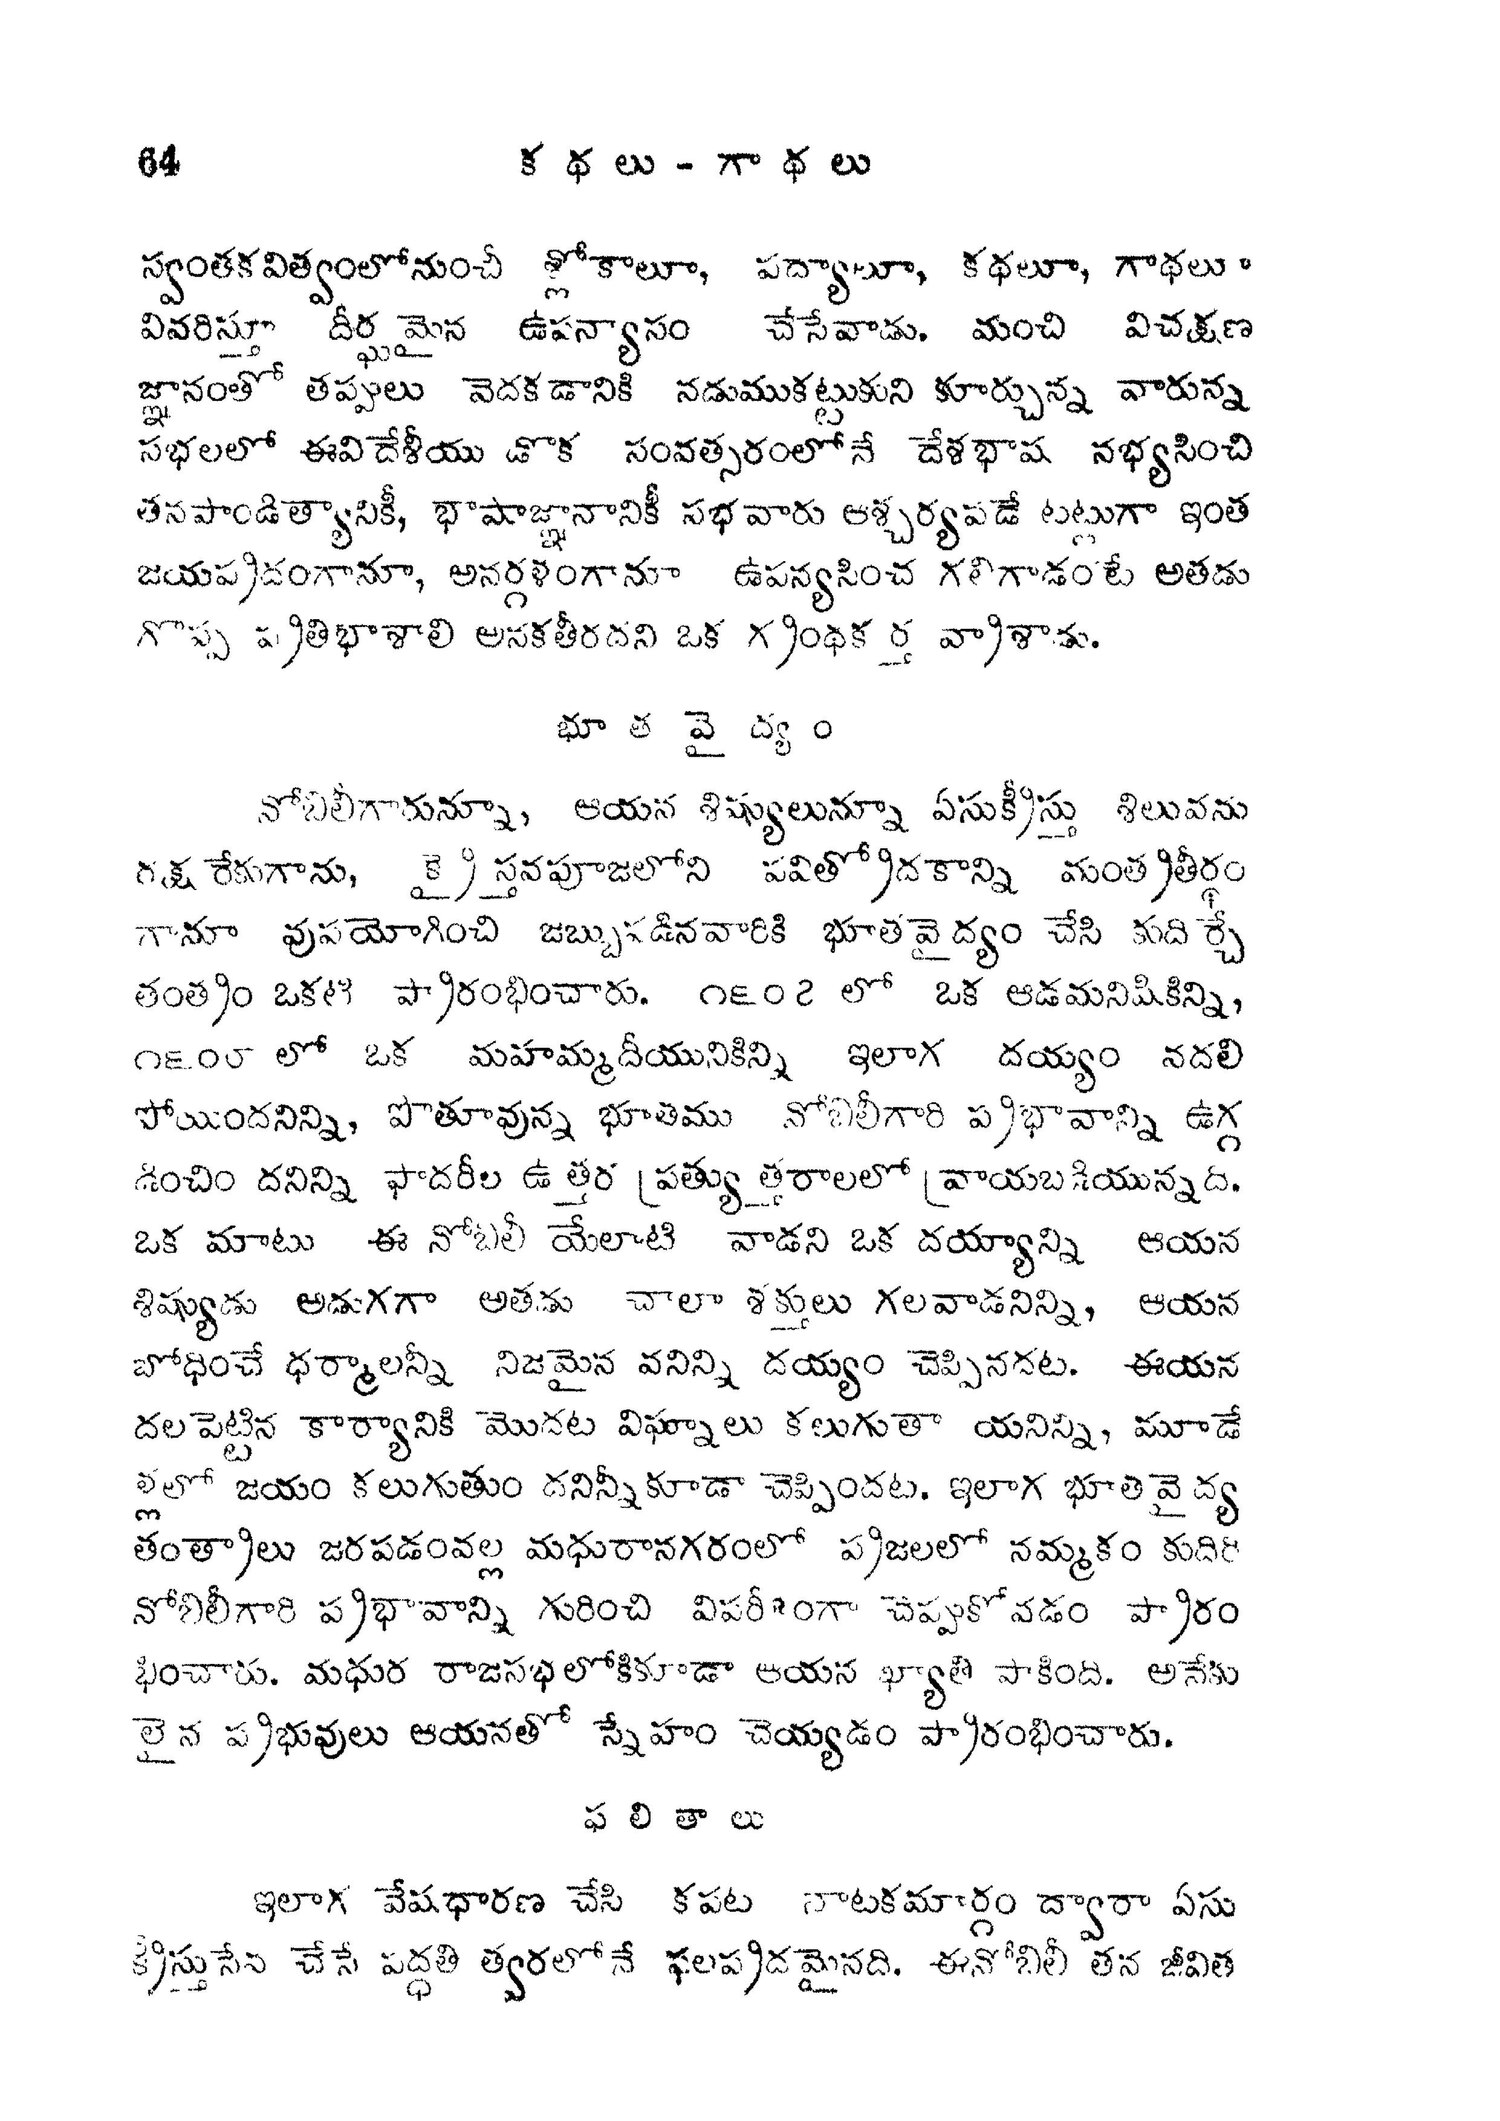స్వంతకవిత్వంలోనుంచీ శ్లోకాలు, పద్యాలూ, కధలూ, గాధలు, వివరిస్తూ దీర్ఘమైన ఉపన్యాసం చేసేవాడు. మంచి విచక్షణ జ్ఞానంతో తప్పులు వెదకడానికి నడుము కట్టుకుని కూర్చున్న వారున్న సభలలో ఈవిదేశీయు డొక సంవత్సరలోనే దేశభాష నభ్యసించి తనపాండిత్యానికీ, భాషాజ్ఞానానికీ సభవారు ఆశ్చర్య పడేటట్లుగా ఇంత జయప్రదంగానూ, అనర్గళంగానూ ఉపన్యసించ గలిగాడంటే అతడు గొప్ప ప్రతిభాశాలి అనకతీరదని ఒక గ్రంధకర్త వ్రాశాడు.

నోబిలీగారున్నూ, ఆయన శిష్యులున్నూ ఏసుక్రీస్తు శిలువను రక్షరేకుగాను, క్రైస్తవపూజలోని పవిత్రోదకాన్ని మంత్రతీర్ధం గానూ వుపయోగించి జబ్బుపడినవారికి భూతవైద్యం చేసి కుదిర్చే తంత్రం ఒకటి ప్రారంభించాడు. 1907 లో ఒక ఆడమనిషికిన్ని, 1908 లో ఒక మహమ్మదీయునికిన్ని ఇలాగ దయ్యం వదలి పోయిం దనిన్ని ఫాదరీల ఉత్తర ప్రత్యుత్తరలలో వ్రాయబడియున్నది. ఒక మాటు ఈ నోబిలీ యేలాటి వాడని ఒక దయ్యాన్ని ఆయన శిష్యుడు అడుగగా అతడు చాలా శక్తులు గలవాడనిన్ని, ఆయన బోధించే ధర్మాలన్నీ నిజమైన వనిన్ని దయ్యం చెప్పినదట. ఈయన దలపెట్టిన కార్యానికి మొదట విఘ్నాలు కలుగుతా యనిన్ని, మూడేళ్లలో జయం కలుగుతుం దనిన్నీ కూడా చెప్పిందట. ఇలాగ భూతవైద్య తంత్రాలు జరపడంవల్ల మధురానగరంలో ప్రజలలో నమ్మకం కుదిరి నోబిలీగారి ప్రభావాన్ని గురించి విపరీతంగా చెప్పుకోవడం ప్రారంభించారు. మధుర రాజసభలోకూడా ఆయన ఖ్యాతి పాకింది. అనేకులైన ప్రభువులు ఆయనతో స్నేహం చెయ్యడం ప్రారంభించారు.

ఇలాగ వేషధారణ చేసి కపట నాటకమార్గం ద్వారా ఏసుక్రీస్తుసేవ చేసే పద్ధతి త్వరలోనె ఫలప్రదమైనది. ఈనోబిలీ తన జీవిత